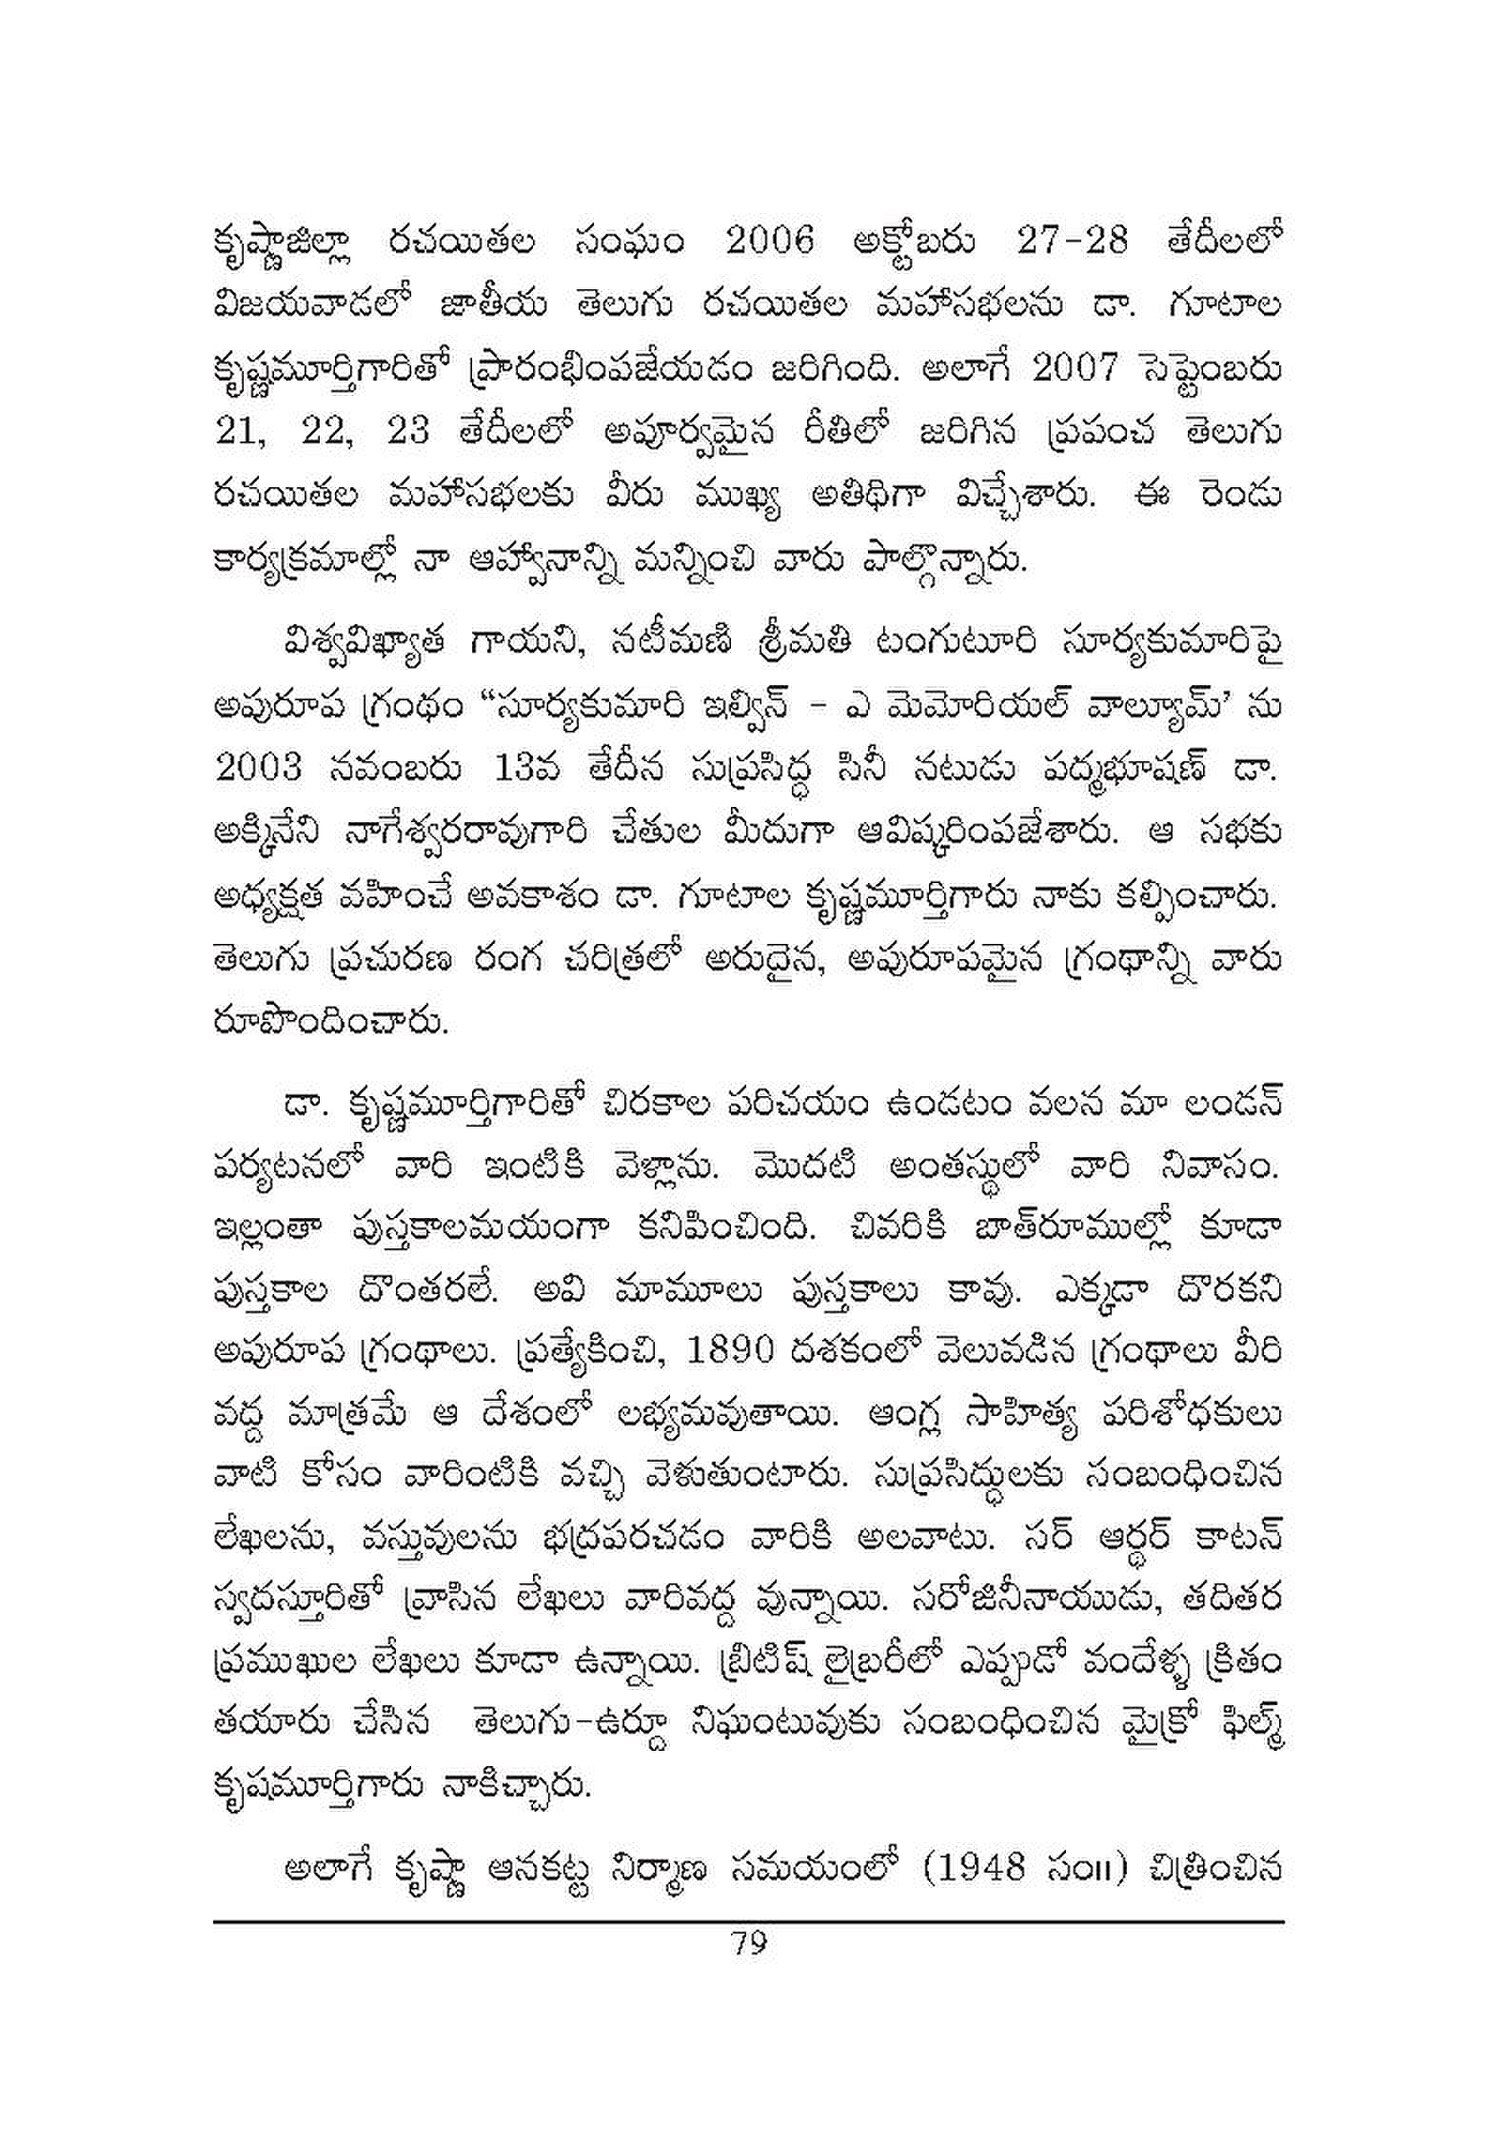కృష్ణాజిల్లా రచయితల సంఘం 2006 అక్టోబరు 27–28 తేదీలలో విజయవాడలో జాతీయ తెలుగు రచయితల మహాసభలను డా. గూటాల కృష్ణమూర్తిగారితో ప్రారంభింపజేయడం జరిగింది. అలాగే 2007 సెప్టెంబరు 21, 22, 23 తేదీలలో అపూర్వమైన రీతిలో జరిగిన ప్రపంచ తెలుగు రచయితల మహాసభలకు వీరు ముఖ్య అతిథిగా విచ్చేసారు. ఈ రెండు కార్యక్రమాల్లో నా ఆహ్వానాన్ని మన్నించి వారు పాల్గొన్నారు.

విశ్వవిఖ్యాత గాయని, నటీమణి శ్రీమతి టంగుటూరి సూర్యకుమారిపై అపురూప గ్రంథం 'సూర్యకుమారి ఇల్విన్ - ఎ మెమోరియల్ వాల్యూమ్' ను 2008 నవంబరు 13వ తేదీన సుప్రసిద్ధ సినీ నటుడు పద్మభూషణ్ డా. అక్కినేని నాగేశ్వరరావుగారి చేతుల మీదుగా ఆవిష్కరింపజేశారు. ఆ సభకు అధ్యక్షత వహించే అవకాశం డా. గూటాల కృష్ణమూర్తిగారు నాకు కల్పించారు. తెలుగు ప్రచురణ రంగ చరిత్రలో అరుదైన, అపురూపమైన గ్రంథాన్ని వారు రూపొందించారు.

డా. కృష్ణమూర్తిగారితో చిరకాల పరిచయం ఉండటం వలన మా లండన్ పర్యటనలో వారి ఇంటికి వెళ్లాను. మొదటి అంతస్థులో వారి నివాసం. ఇల్లంతా పుస్తకాలమయంగా కనిపించింది. చివరికి బాత్రూముల్లో కూడా పుస్తకాల దొంతరలే. అవి మామూలు పుస్తకాలు కావు. ఎక్కడా దొరకని అపురూప గ్రంథాలు. ప్రత్యేకించి, 1890 దశకంలో వెలువడిన గ్రంథాలు వీరి వద్ద మాత్రమే ఆ దేశంలో లభ్యమవుతాయి. ఆంగ్ల సాహిత్య పరిశోధకులు వాటి కోసం వారింటికి వచ్చి వెళుతుంటారు. సుప్రసిద్దులకు సంబంధించిన లేఖలను, వస్తువులను భద్రపరచడం వారికి అలవాటు. సర్ ఆర్థర్ కాటన్ స్వదస్తూరితో వ్రాసిన లేఖలు వారివద్ద వున్నాయి. సరోజినీనాయుడు, తదితర ప్రముఖుల లేఖలు కూడా ఉన్నాయి. బ్రిటిష్ లైబ్రరీలో ఎప్పడో వందేళ్ళ క్రితం తయారు చేసిన తెలుగు-ఉర్దూ నిఘంటువుకు సంబంధించిన మైక్రో ఫిల్మ్ కృషమూర్తిగారు నాకిచ్చారు.

అలాగే కృష్ణా ఆనకట్ట నిర్మాణ సమయంలో (1948 సంll) చిత్రించిన